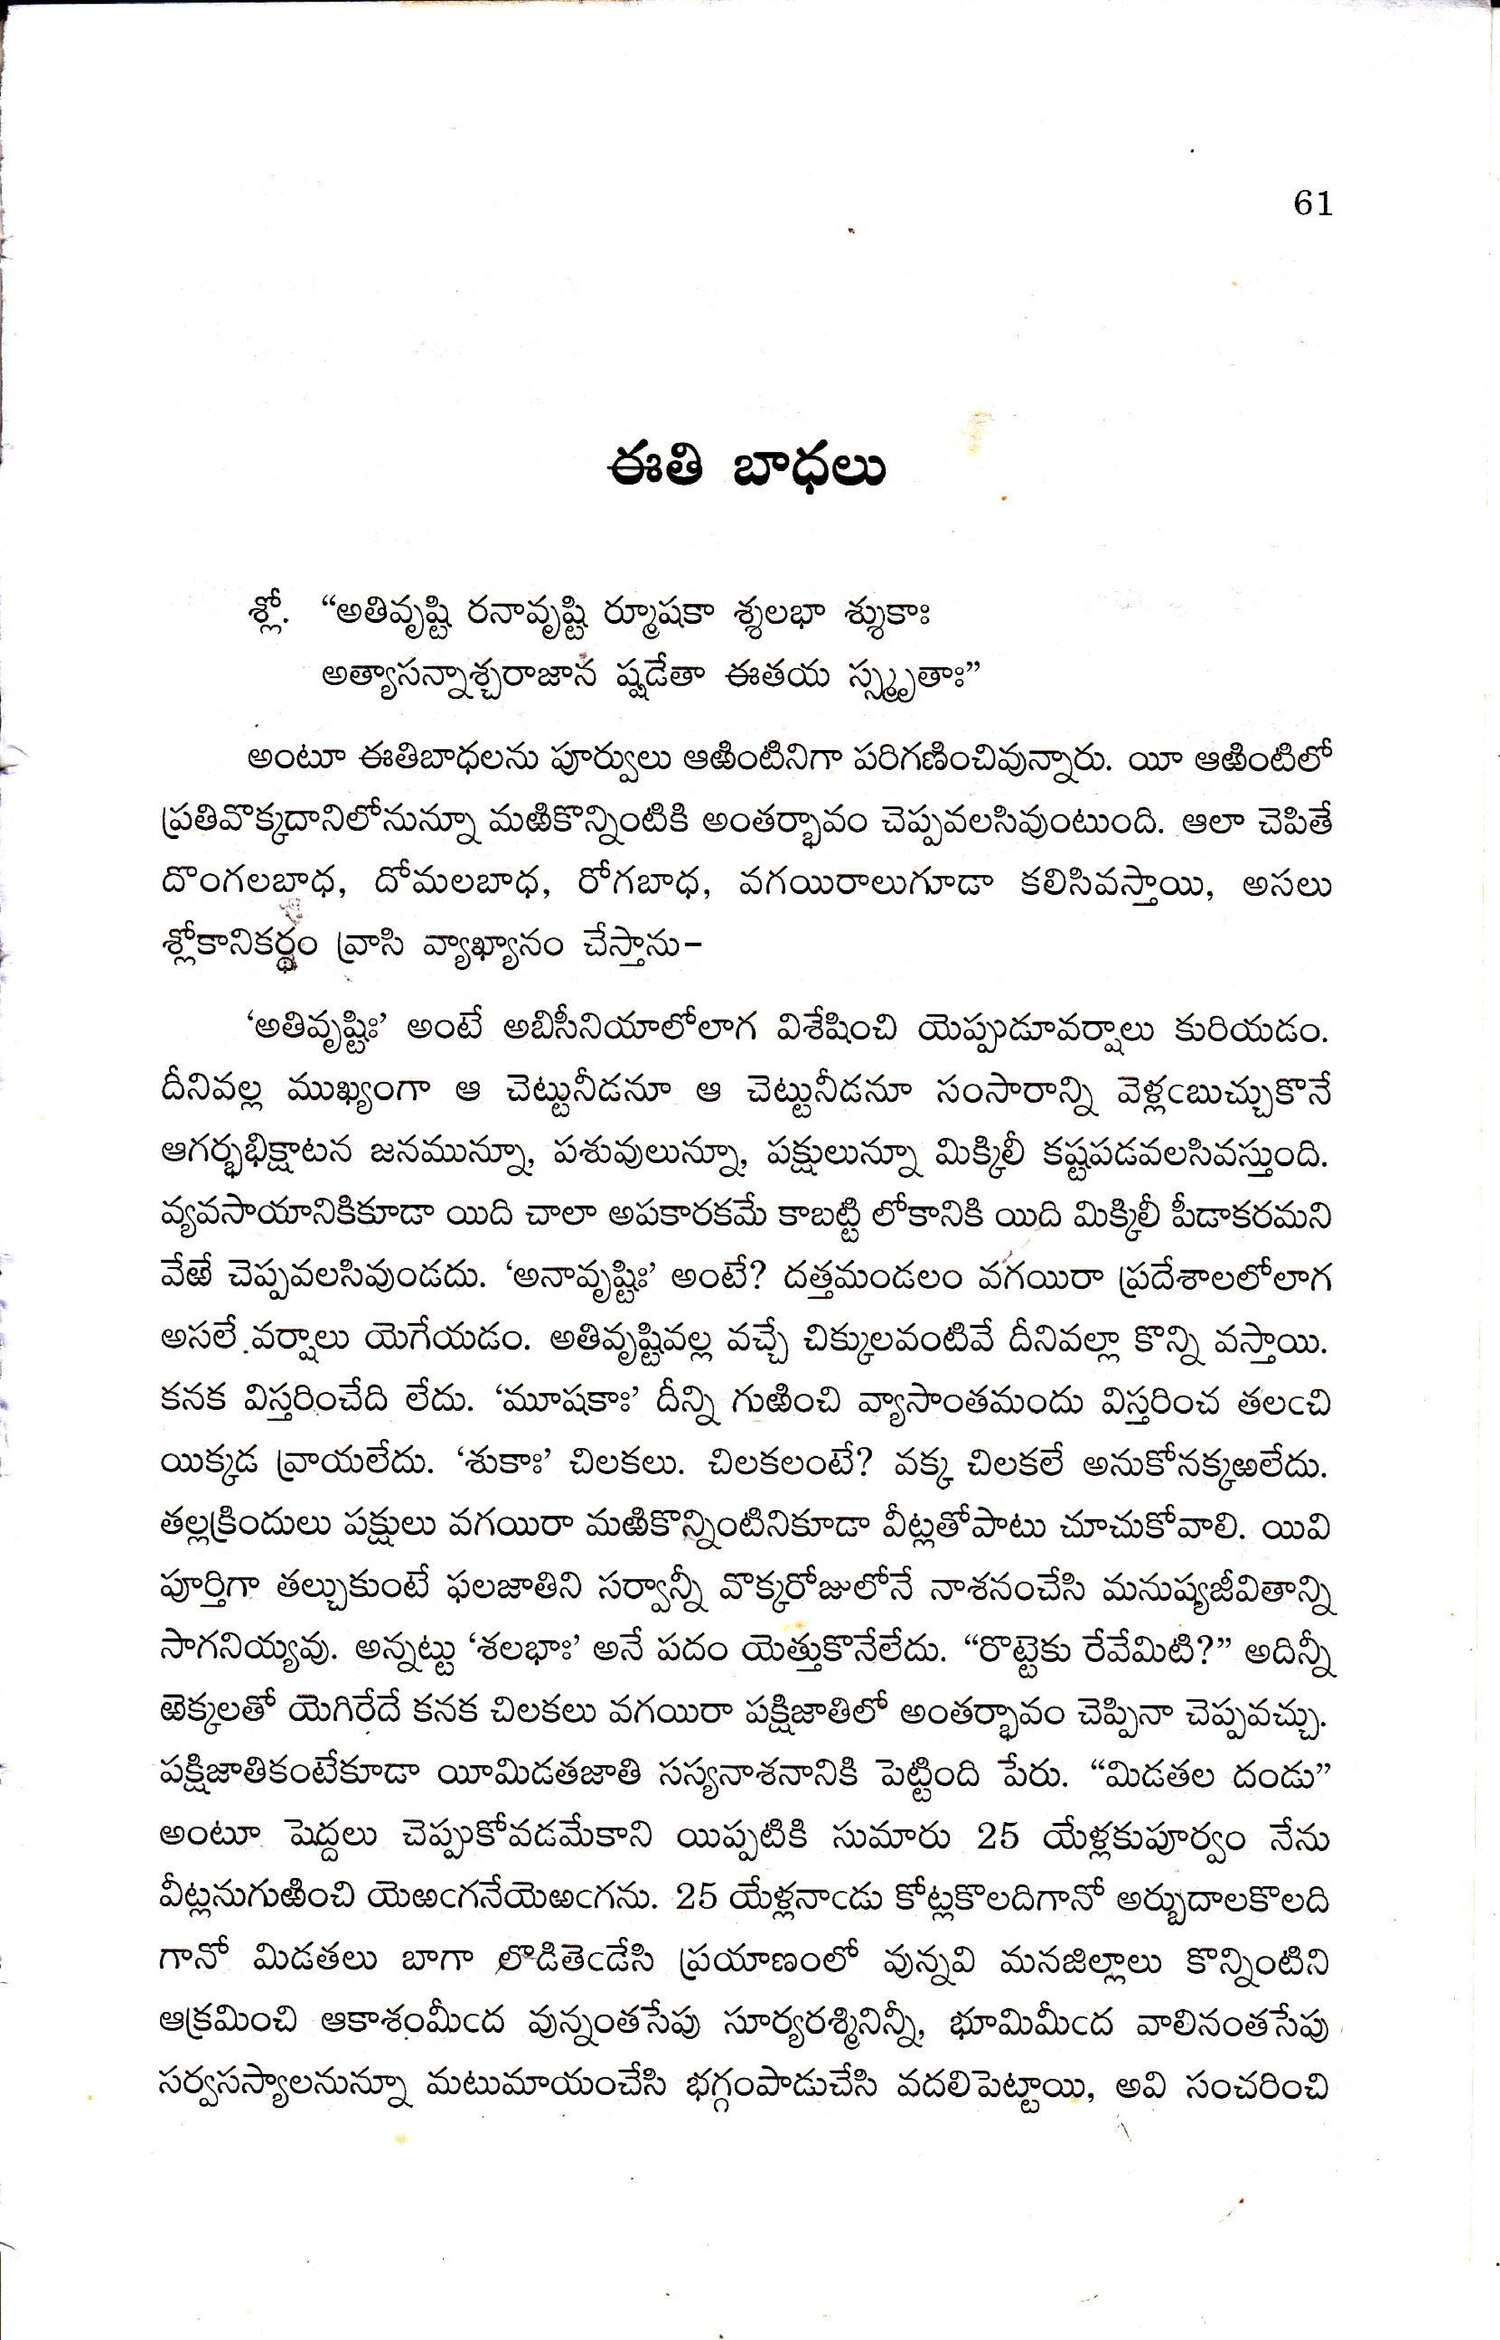అంటూ ఈతిబాధలను పూర్వులు ఆటింటినిగా పరిగణించివున్నారు. యీ ఆఱింటిలో ప్రతివొక్కదానిలోనున్నూ మటికొన్నింటికి అంతర్భావం చెప్పవలసివుంటుంది. ఆలా చెపితే దొంగలబ్లాధ, దోమలబాధ, రోగబాధ, వగయిరాలుగూడా కలిసివస్తాయి, అసలు శ్లోకానికర్థం వ్రాసి వ్యాఖ్యానం చేస్తాను

'అతివృష్టి' అంటే అబిసీనియాలోలాగ విశేషించి యెప్పడూవరాలు కురియడం. దీనివల్ల ముఖ్యంగా ఆ చెట్టునీడనూ ఆ చెట్టునీడనూ సంసారాన్ని వెళ్లంబుచ్చుకొనే ఆగర్భభిక్షాటన జనమున్నూ, పశువులున్నూ, పక్షులున్నూ మిక్కిలీ కష్టపడవలసివస్తుంది. వ్యవసాయానికికూడా యిది చాలా అపకారకమే కాబట్టి లోకానికి యిది మిక్కిలీ పీడాకరమని వేటే చెప్పవలసివుండదు. 'అనావృష్టి అంటే? దత్తమండలం వగయిరా ప్రదేశాలలోలాగ అసలే వరాలు యెగేయడం. అతివృష్టివల్ల వచ్చే చిక్కులవంటివే దీనివల్లా కొన్ని వస్తాయి. కనక విస్తరించేది లేదు. "మూషకాః దీన్ని గుఱించి వ్యాసాంతమందు విస్తరించ తలంచి యిక్కడ వ్రాయలేదు. శుకాః’ చిలకలు. చిలకలంటే? వక్క చిలకలే అనుకోనక్కఱలేదు. తల్లక్రిందులు పక్షులు వగయిరా మణికొన్నింటినికూడా వీట్లతోపాటు చూచుకోవాలి. యివి పూర్తిగా తల్చుకుంటే ఫలజాతిని సర్వాన్నీ వొక్కరోజులోనే నాశనంచేసి మనుష్యజీవితాన్ని సాగనియ్యవు. అన్నట్టు శలభాః అనే పదం యెత్తుకొనేలేదు. "రొట్టెకు రేవేమిటి?" అదిన్నీ టెక్కలతో యెగిరేదే కనక చిలకలు వగయిరా పక్షిజాతిలో అంతర్భావం చెప్పినా చెప్పవచ్చు. పక్షిజాతికంటేకూడా యీమిడతజాతి సస్యనాశనానికి పెట్టింది పేరు. “మిడతల దండు" అంటూ పెద్దలు చెప్పకోవడమేకాని యిప్పటికి సుమారు 25 యేళ్లకుపూర్వం నేను వీట్లనుగుఱించి యెఱంగనేయెఱంగను. 25 యేళ్లనాండు కోట్లకొలదిగానో అర్బుదాలకొలది గానో మిడతలు బాగా లొడితెండేసి ప్రయాణంలో వున్నవి మనజిల్లాలు కొన్నింటిని ఆక్రమించి ఆకాశంమీంద వున్నంతసేపు సూర్యరశ్మినిన్నీ భూమిమీంద వాలినంతసేపు సర్వసస్యాలనున్నూ మటుమాయంచేసి భగ్గంపాడుచేసి వదలిపెట్టాయి, అవి సంచరించి
\